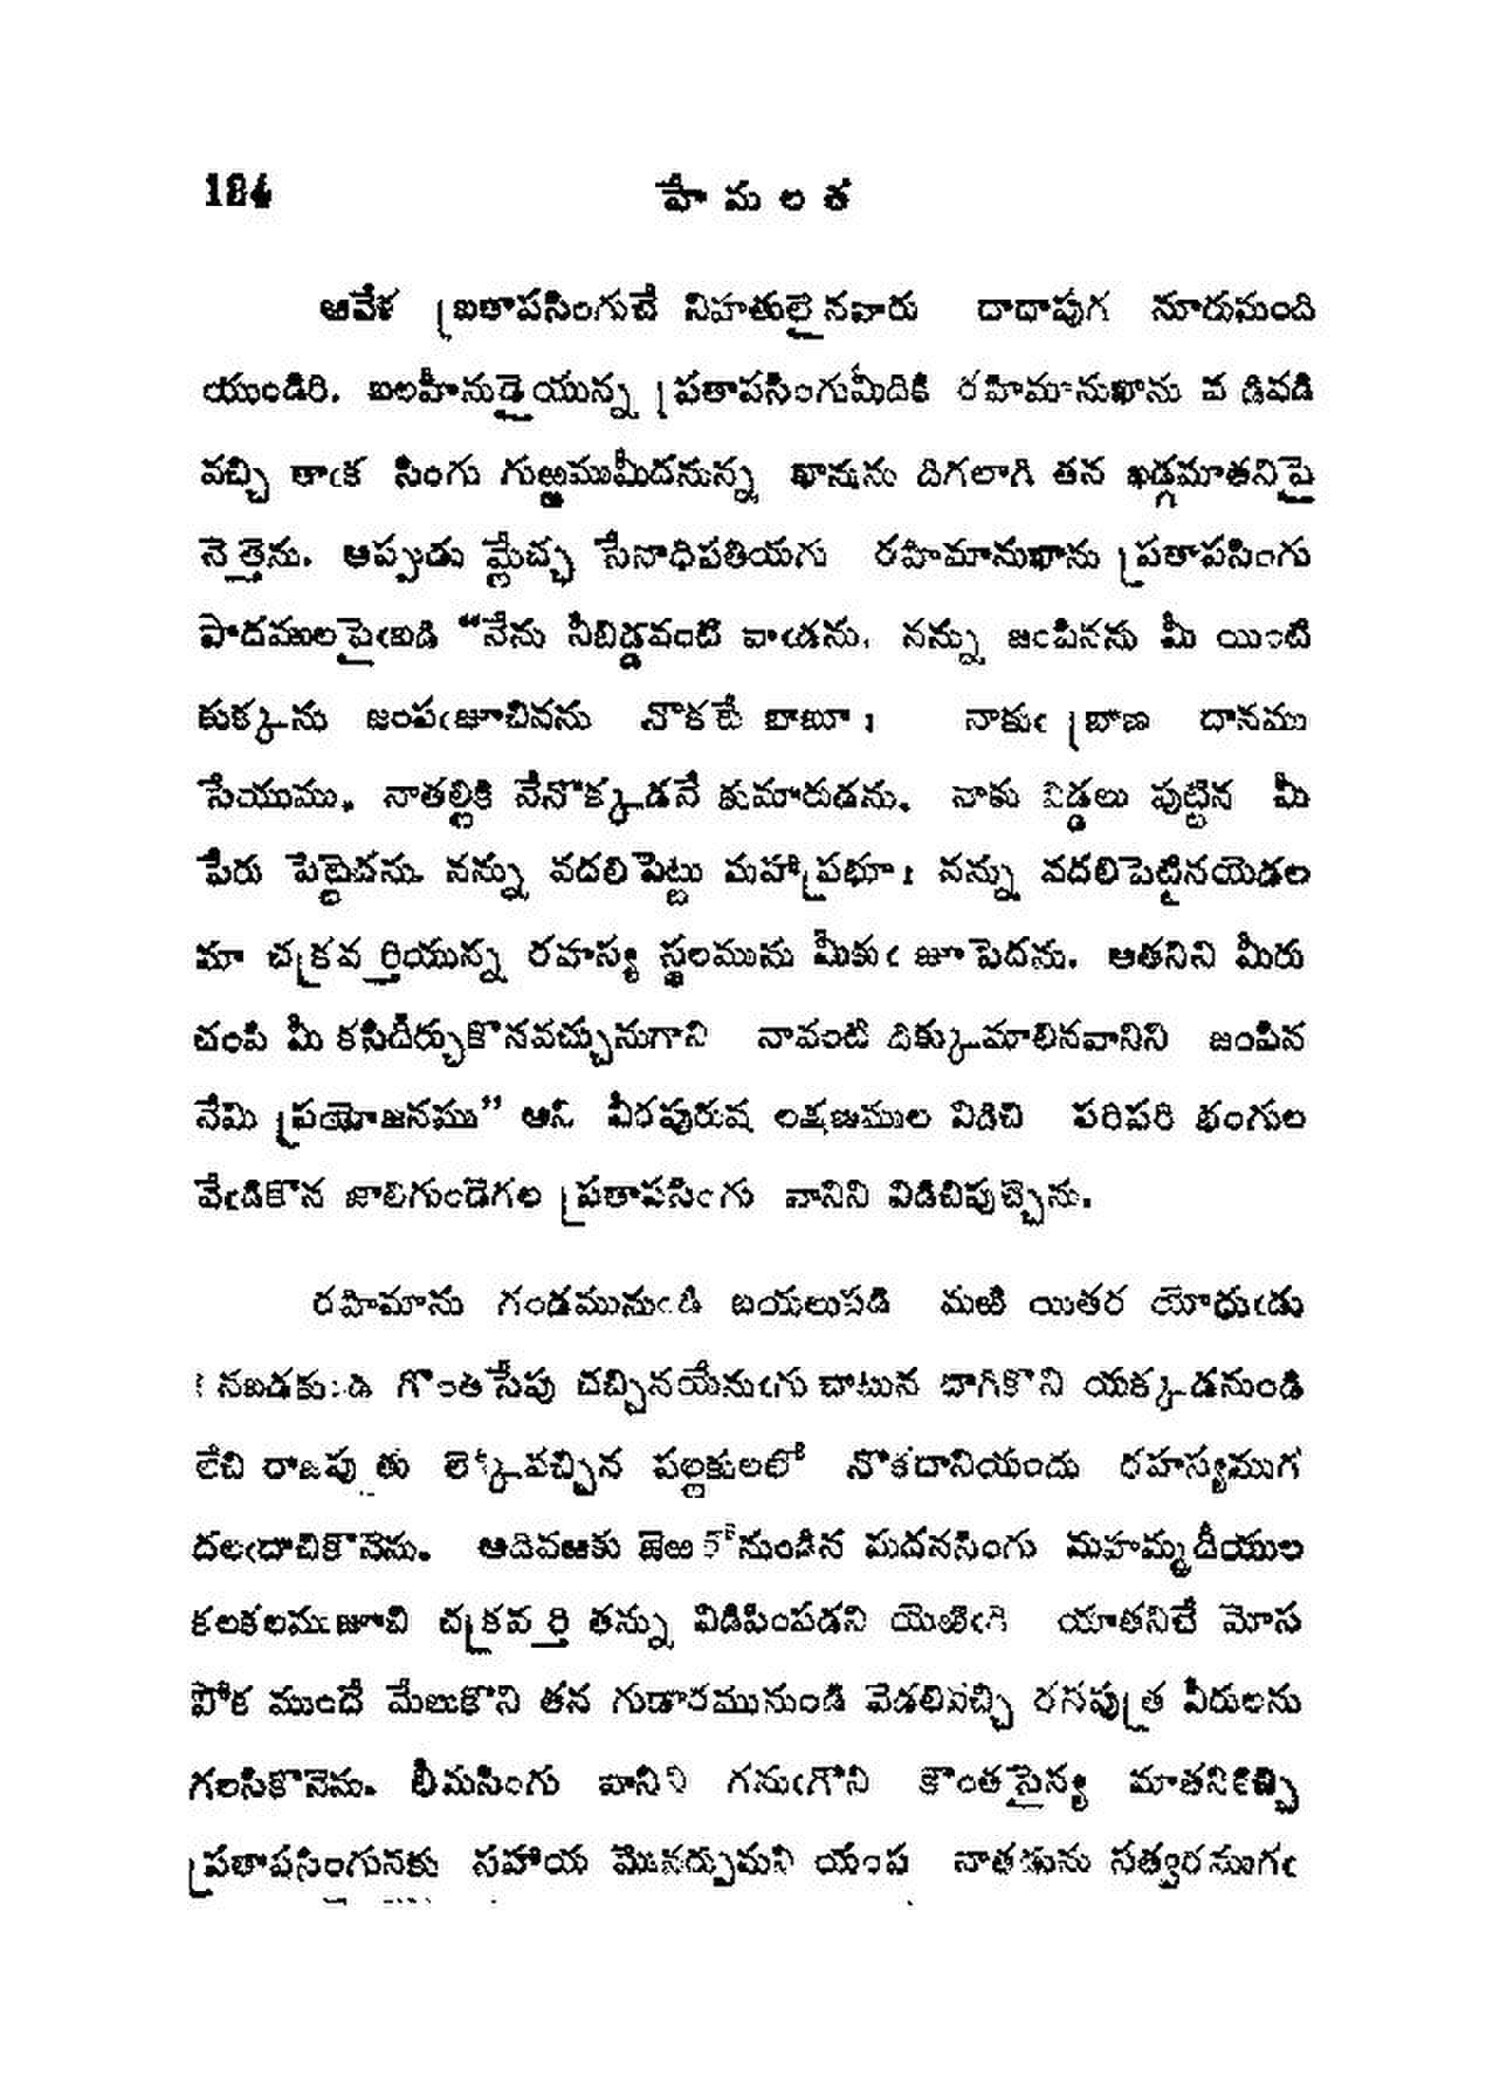ఆవేళ బ్రతాపసింగుచే నిహతులైనవారు దాదాపుగ నూరుమంది యుండిరి. బలహీనుడైయున్న ప్రతాపసింగుమీదికి రహిమానుఖాను వడివడి వచ్చి తాఁక సింగు గుఱ్ఱముమీదనున్న ఖానును దిగలాగి తన ఖడ్గమాతనిపై నెత్తెను. అప్పుడు మ్లేచ్ఛ సేనాధిపతియగు రహిమానుఖాను ప్రతాపసింగు పాదముల పైఁబడి “నేను నీ బిడ్డవంటి వాడను, నన్ను జంపినను మీ యింటి కుక్కను జంపఁజూచినను నొకటే బాబూ! నాకుఁ బ్రాణ దానము సేయుము. నాతల్లికి నేనొక్కడనే కుమారుడను. నాకు బిడ్డలు పుట్టిన మీ పేరు పెట్టెదను. నన్ను వదలి పెట్టు మహాప్రభూ! నన్ను వదలిపెట్టినయెడల మా చక్రవర్తియున్న రహస్య స్థలమును మీకుఁ జూపెదను. అతనిని మీరు చంపి మీ కసిదీర్చుకొనవచ్చునుగాని నావంటి దిక్కుమాలినవానిని జంపిన నేమి ప్రయోజనము” అని వీరపురుష లక్షణముల విడిచి పరిపరి భంగుల వేడికొన జాలి గుండెగల ప్రతాపసింగు వానిని విడిచిపుచ్చెను.

రహిమాను గండమునుండి బయలుపడి మఱి యితర యోధుఁడు కనబడకుండ గొంత సేపు చచ్చినయేనుఁగు చాటున దాగికొని యక్కడనుండి లేచి రాజపుత్రు లెక్కివచ్చిన పల్లకులలో నొకదానియందు రహస్యముగ దలఁదాచికొనెను. అదివఱకు జెఱలో నుండిన మదనసింగు మహమ్మదీయుల కలకలముజూచి చక్రవర్తి తన్ను విడిపింపడని యెఱిఁగి యాతనిచే మోసపోక ముందే మేలుకొని తన గుడారమునుండి వెడలివచ్చి రసపుత్ర వీరులను గలసికొనెను. భీమసింగు వానిని గనుఁగొని కొంత సైన్య మాతనికిచ్చి ప్రతాపసింగునకు సహాయ మొనర్పుమని యంప నాతడును సత్వరముగఁ